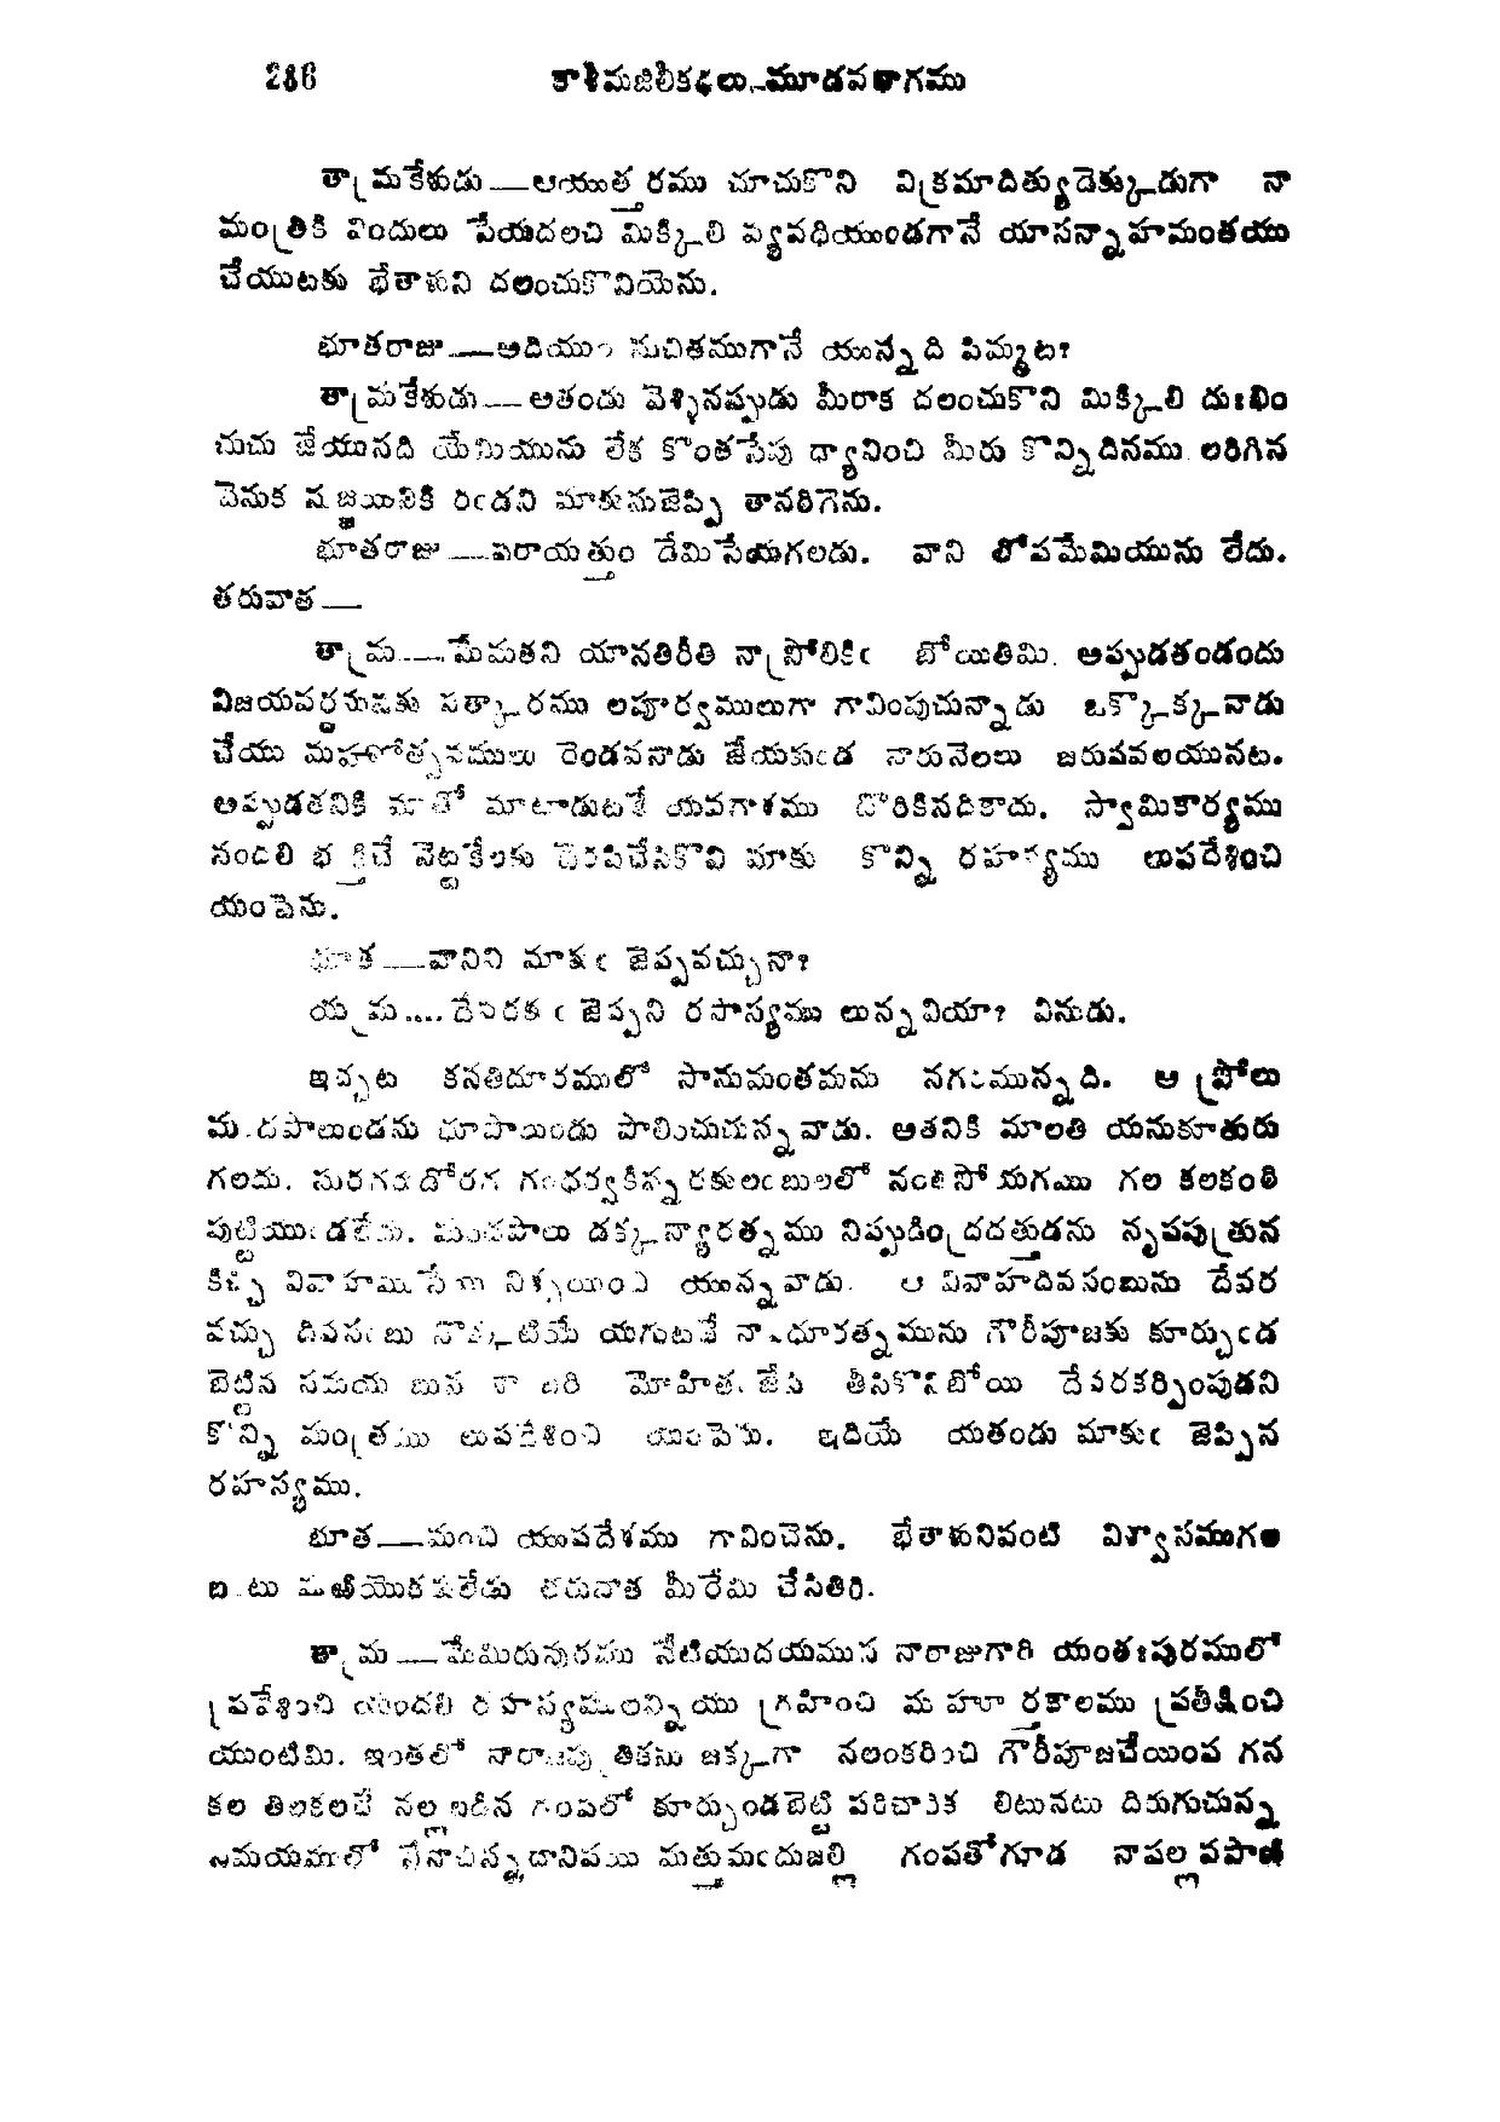తామ్రకేశుడు - ఆయుత్తరము చూచుకొని విక్రమాదిత్యు డెక్కుడుగా నా మంత్రికి విందులు సేయదలచి మిక్కిలి వ్యవధియుండగానే యాసన్నాహమంతయు చేయుటకు భేతాళుని దలంచుకొనియెను.

భూతరాజు - అదియుం నుచితముగానే యున్నది పిమ్మట?

తామ్రకేశుడు - అతండు వెళ్ళినప్పుడు మీరాక దలంచుకొని మిక్కిలి దుఃఖించుచు జేయునది యేమియును లేక కొంతసేపు ధ్యానించి మీరు కొన్ని దినము లరిగిన వెనుక నుజ్జయినికి రండని మాకును జెప్పి తానరిగెను.

భూతరాజు - పరాయత్తుం డేమిసేయగలడు. వాని లోపమేమియును లేదు. తరువాత-

తామ్ర - మేమతని యానతిరీతి నా ప్రోలికిఁ బోయితిమి. అప్పుడతం డందు విజయవర్దనునకు సత్కారము లపూర్వములుగా గావింపుచున్నాడు ఒక్కొక్కనాడు చేయు మహోత్సవములు రెండవనాడు జేయకుండ నారునెలలు జరుపవలయునట. అప్పుడతనికి మాతో మాటాడుటకే యవకాశము దొరికినదికాదు. స్వామికార్యము నందలి భక్తిచే నెట్టకేలకు దెరపిచేసికొని మాకు కొన్ని రహస్యము లుపదేశించి యంపెను.

భూత -- వానిని మాకుఁ జెప్పవచ్చునా?

తామ్ర - దేవరకుఁ జెప్పని రసాస్యము లున్నవియా? వినుడు.

ఇచ్చట కనతిదూరములో సానుమంతమను నగరమున్నది. ఆ ప్రోలు మందపాలుండను భూపాలుండు పాలించుచున్న వాడు. అతనికి మాలతి యనుకూతురు గలదు. సురగరుడోరగగంధర్వకిన్నరకులంబులలో నంతసోయగము గల కలకంఠి పుట్టియుండలేదు. మందపాలు డక్కన్యారత్నము నిప్పు డింద్రదత్తుడను నృపపుత్రున కిచ్చి వివాహముసేయ నిశ్చయించి యున్నవాడు. ఆ వివాహదివసంబును దేవర వచ్చు దివసంబు నొక్కటియే యగుటచే నావధూరత్నమును గౌరీపూజకు కూర్చుండబెట్టిన సమయంబున శాంబరి మో'హితఁ జేసి తీసికొనిబోయి దేవర కర్పింపుడని కొన్ని మంత్రము లుపదేశించి యంపెను. ఇదియే యతండు మాకుఁ జెప్పిన రహస్యము.

భూత - మంచి యుపదేశము గావించెను. భేతాళునివంటి విశ్వాసముగల బంటు మఱియొకడులేడు తరువాత మీరేమి చేసితిరి.

తామ్ర - మేమిరువురము నేటియుదయమున నారాజుగారి యంతఃపురములో ప్రవేశించి యందలి రహస్యములన్నియు గ్రహించి ముహూర్తకాలము ప్రతీక్షించి యుంటిమి. ఇంతలో నారాజపుత్రికను జక్కగా నలంకరించి గౌరీపూజ చేయింప గనకలతికలచే నల్లబడిన గంపలో కూర్చుండబెట్టి పరిచారిక లిటునటు దిరుగుచున్న సమయములో నే నాచిన్నదానిపయి మత్తుమందు జల్లి గంపతోగూడ
నాపల్లవపాణి